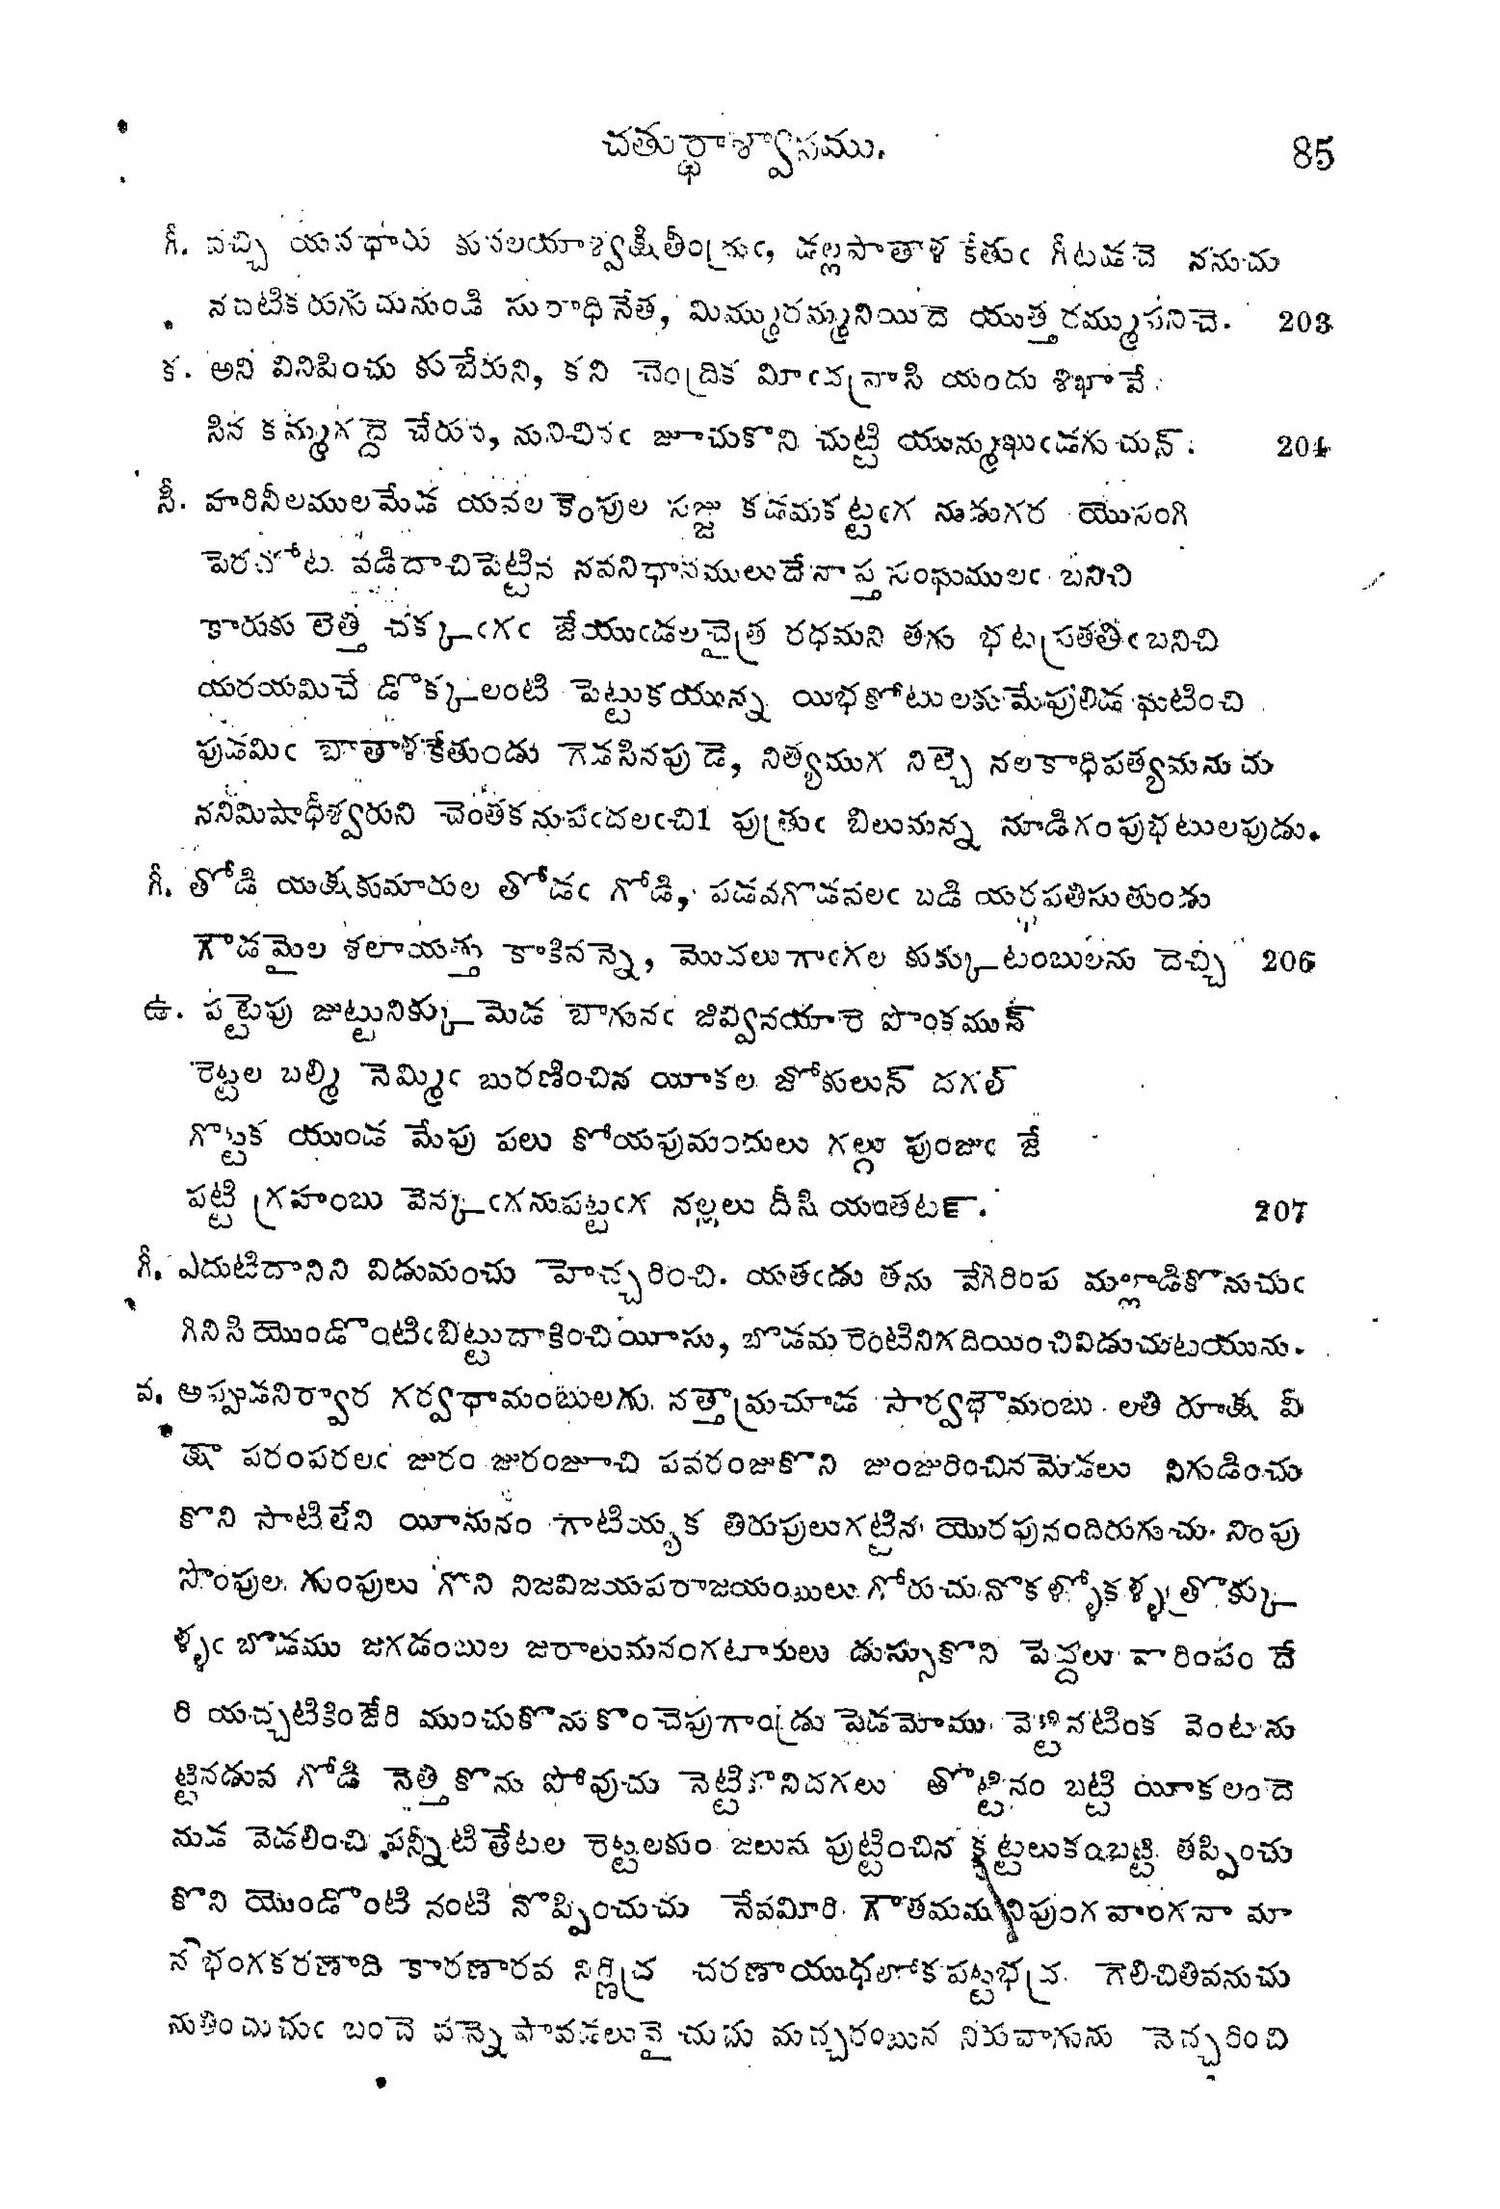గీ. వచ్చి యవధారు కువలయాశ్వక్షితీంద్రుఁ, డల్లపాతాళకేతుఁ గీటడచె ననుచు
నచటి కరుగుచునుండి సురాధినేత, మిమ్ము రమ్మని యిదె యుత్తరమ్ము పనిచె.
క. అని వినిపించు కుబేరుని, కని చెంద్రిక మీఁదవ్రాసి యందు శిఖావే
సిన కమ్మగద్దె చేరువ, నునిచినఁ జూచుకొని చుట్టి యున్ముఖుఁ డగుచున్.
సీ. హరినీలములమేడ యవలకెంపులసజ్జు కడమకట్టఁగ నుడుగర యొసంగి
పెరచోట వడి దాచిపెట్టిన నవనిధానములు దేవాప్తసంఘములఁ బనిచి
కారుకు లెత్తి చక్కఁగఁ జేయుఁ డలచైత్రరథమని తగుభటప్రతతిఁ బనిచి
యరయమిచే డొక్కలంటిపెట్టుకయున్న యిభకోటులకు మేపులిడ ఘటించి
పుడమిఁ బాతాళకేతుండు గెడసినపుడె, నిత్యముగ నిల్చె నలకాధిపత్య మనుచు
ననిమిషాధీశ్వరునిచెంత కనుపఁదలఁచి, పుత్రుఁ బిలుమన్న నూడిగంపుభటు లపుడు.
గీ. తోడి యక్షకుమారుల తోడఁ గోడి, పడవగొడవలఁ బడి యర్ధపతిసుతుండు
గౌడమైల శలాయత్తు కాకివన్నె, మొదలుగాఁగల కుక్కుటంబులను దెచ్చి.
ఉ. పట్టెపుజుట్టునిక్కు మెడబాగునఁ జివ్వనయారెపొంకమున్
రెట్టలబల్మి నెమ్మిఁ బురణించిన యీకలజోకులున్ దగిల్
గొట్టకయుండ మేపు పలు కోయపుమందులు గల్గు పుంజుఁ జే
పట్టి గ్రహంబు వెన్కఁ గనుపట్టఁగ నల్లలు దీసి యంతటన్.
గీ. ఎదుటిదానిని విడుమంచు హెచ్చరించి యతఁడు తను వేగిరింప మల్లాడికొనుచుఁ
గినిసి యొండొంటిఁ బిట్టుదాకించి యీసు, బొడమ రెంటిని గదియించి విడుచుటయును.
వ. అప్పు డనిర్వారగర్వధామంబులగు నత్తామ్రచూడసార్వభౌమంబు లతిరూక్ష వీ
క్షాపరంపరలఁ జురం జురంజూచి పవరంజుకొని జుంజురించిన మెడలు నిగుడించు
కొని సాటి ని యీసునం గాటియ్యక తిరుపులుగట్టిన యొరఫునం దిరుగుచు నింపు
సొంపుల గుంపులు గొని నిజవిజయపరాజయంబులు గోరుచు నొకళ్ళొ కళ్ళ త్రొక్కు
ళ్ళఁ బొడము జగడంబుల జరాలుమనం గటారులు డుస్సుకొని పెద్దలు వారింపం దే
రి యచ్చటికిం జేరి ముంచుకొను కొంచెపుగాండ్రు పెడమోము వెళ్ళినటింక వెంట ను
ట్టినడువ గోడి నెత్తికొనుపోవుచు నెట్టికొనిదగలు తొట్టినం బట్టి యీకలందె
మడ వెడలించి పన్నీటితేటల రెట్టలకుం జలువ పుట్టించిన కట్టలుకంబట్టి తప్పించు
కొని యొండొంటి నంటి నొప్పించుచు నేవమీరి గౌతమమునిపుంగవాంగనామా
నభంగకరణాదికారణారవనిర్నిద్రచరణాయుధలోకపట్టభద్ర గెలిచితి వనుచు
నుతించుచుఁ బంచెవన్నె పావడలు వైచుచు మచ్చరంబున నిరువాగును నెచ్చరించి